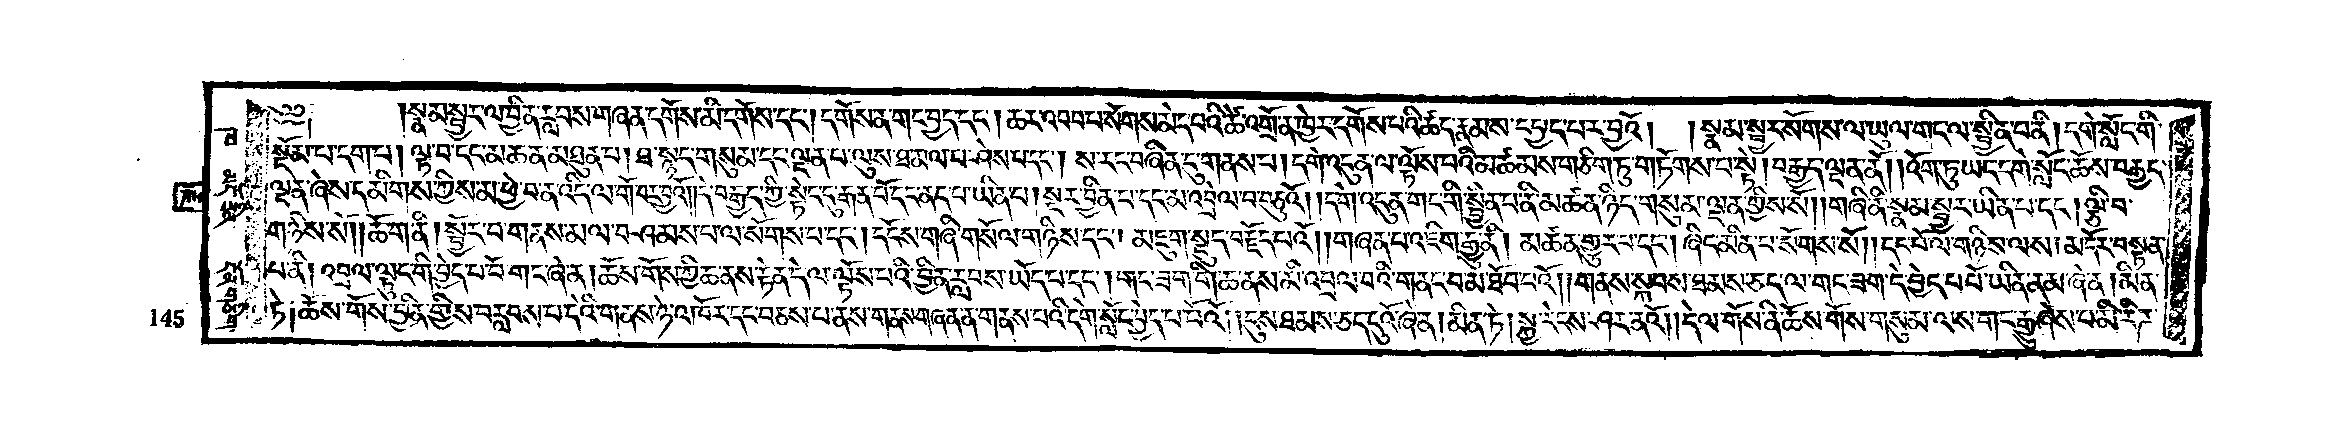༄༅། །སྣམ་སྦྱར་ལ་བྱིན་རླབས་གཞན་དགོས་མི་དགོས་དང་། དགོས་ན་གང་བྱད་དང་། ཆར་འབབ་པ་སོགས་མེད་པའི་ཚེ་འགྲོ་ན་ཁྱེར་དགོས་པའི་ཚད་རྣམས་དཔྱད་པར་བྱའོ། །སྣམ་སྦྱར་སོགས་ལ་ཡུལ་གང་ལ་སྦྱིན་པ་ནི། དགེ་སློང་གི་
སྡོམ་པ་དག་པ། ལྟ་བ་དང་མཆན་མཐུན་པ། ཐ་སྙད་གསུམ་དང་ལྡན་པ་ལུས་ཐ་མལ་པ་ཤེས་པ་དང་། ས་རང་བཞིན་དུ་གནས་པ། དགེ་འདུན་ལ་ལྟོས་པའི་མཚམས་གཅིག་ཏུ་གཏོགས་པ་སྟེ། བརྒྱད་ལྡན་ནོ། །འོག་ཏུ་ཡང་དགེ་སློང་ཆོས་བརྒྱད་
ལྡན་ཞེས་དམིགས་ཀྱིས་མ་ཕྱེ་བ་ན་འདི་ལ་གོ་བར་བྱའོ། །དེ་བརྒྱད་ཀྱི་སྟེང་དུ་རྒན་པོ་དང་ནད་པ་ཡིན་པ། སྔར་བྱིན་པ་དང་མ་འབྲེལ་བ་བཅུའོ། །དགེ་འདུན་གང་གི་སྦྱིན་པ་ནི་མཚན་ཉིད་གསུམ་ལྡན་གྱིས་སོ། །གཞི་ནི་སྣམ་སྦྱར་ཡིན་པ་དང་། ལྕི་བ་
གཉིས་སོ། །ཆོ་ག་ནི། སྦྱོར་བ་གནས་མལ་བཤམས་པ་ལ་སོགས་པ་དང་། དངོས་གཞི་གསོལ་གཉིས་དང་། མཇུག་སྡུད་བརྗོད་པའོ། །གཞན་པ་འཇིག་རྒྱུ་ནི། མཚན་གྱུར་པ་དང་། ཞིང་མིན་པ་སོགས་སོ། །དང་པོ་ལ་གཉིས་ལས། མདོར་བསྟན་
པ་ནི། འབྲལ་ལྟུང་གི་བྱེད་པ་པོ་གང་ཞེ་ན། ཆོས་གོས་ཀྱི་ཆ་ནས་རྟེན་དེ་ལ་ལྟོས་པའི་བྱིན་རླབས་ཡོད་པ་དང་། གང་ཟག་གི་ཆ་ནས་མི་འབྲལ་བའི་གནང་བ་མ་ཐོབ་པའོ། །གནས་སྐབས་ཐམས་ཅད་ལ་གང་ཟག་དེ་བྱེད་པ་པོ་ཡིན་ནམ་ཞེ་ན། མིན་
ཏེ༑ ཆོས་གོས་བྱིན་གྱིས་བརླབས་པ་དེའི་གནས་ཉེ་འཁོར་དང་བཅས་པ་ནས་གནས་གཞན་ན་གནས་པའི་དགེ་སློང་བྱེད་པ་པོའོ། །དུས་ཐམས་ཅད་དུའོ་ཞེ་ན། མིན་ཏེ། སྐྱ་རེངས་ཤར་ནའོ། །དེ་ལ་གོས་ནི་ཆོས་གོས་གསུམ་ལས་གང་རྒྱུ་ཞེས་པ་མི་རིགས་